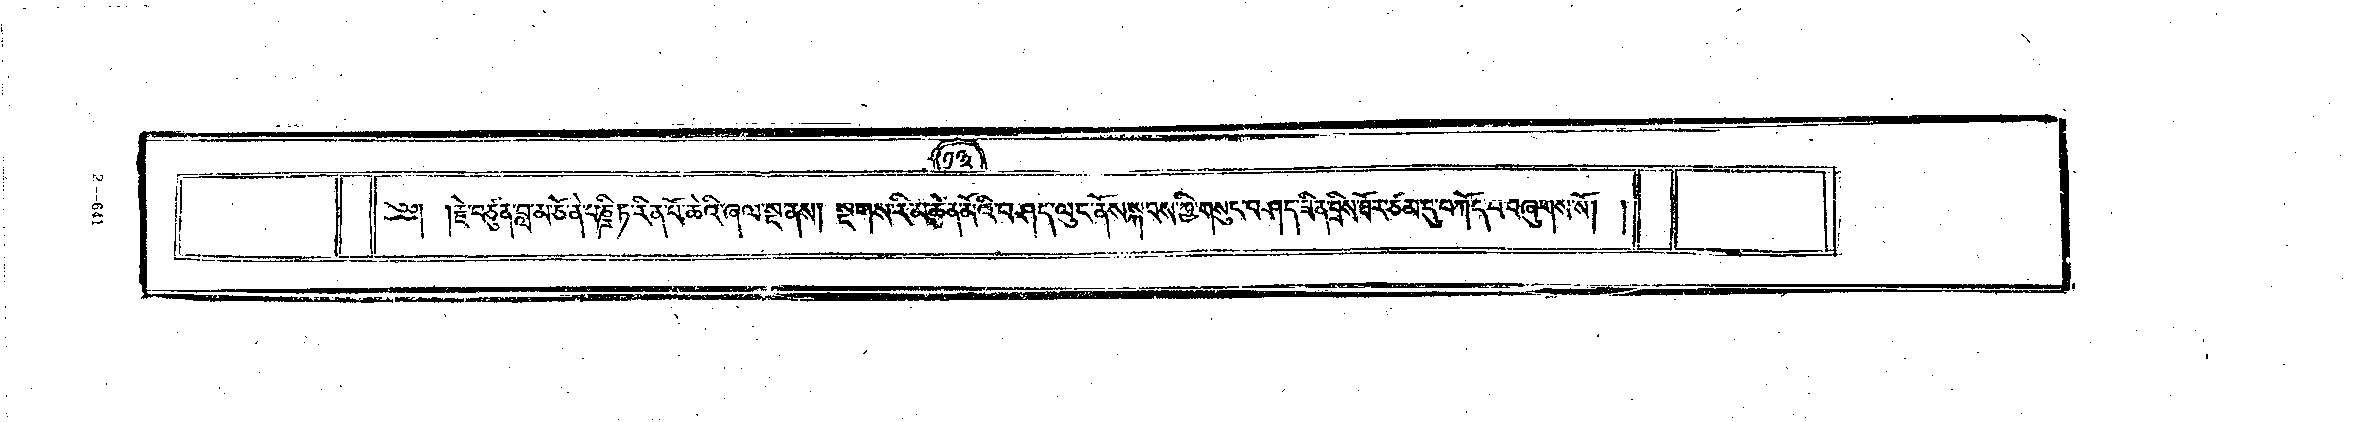༄༅། །རྗེ་བཙུན་བླ་མ་ཅོ་ནེ་པཎྜི་ཏ་རིན་པོ་ཆེའི་ཞལ་སྔ་ནས། སྔགས་རིམ་ཆེན་མོའི་བཤད་ལུང་ནོས་སྐབས་ཀྱི་གསུང་བཤད་ཟིན་བྲིས་ཐོར་ཙམ་དུ་བཀོད་པ་བཞུགས་སོ། །